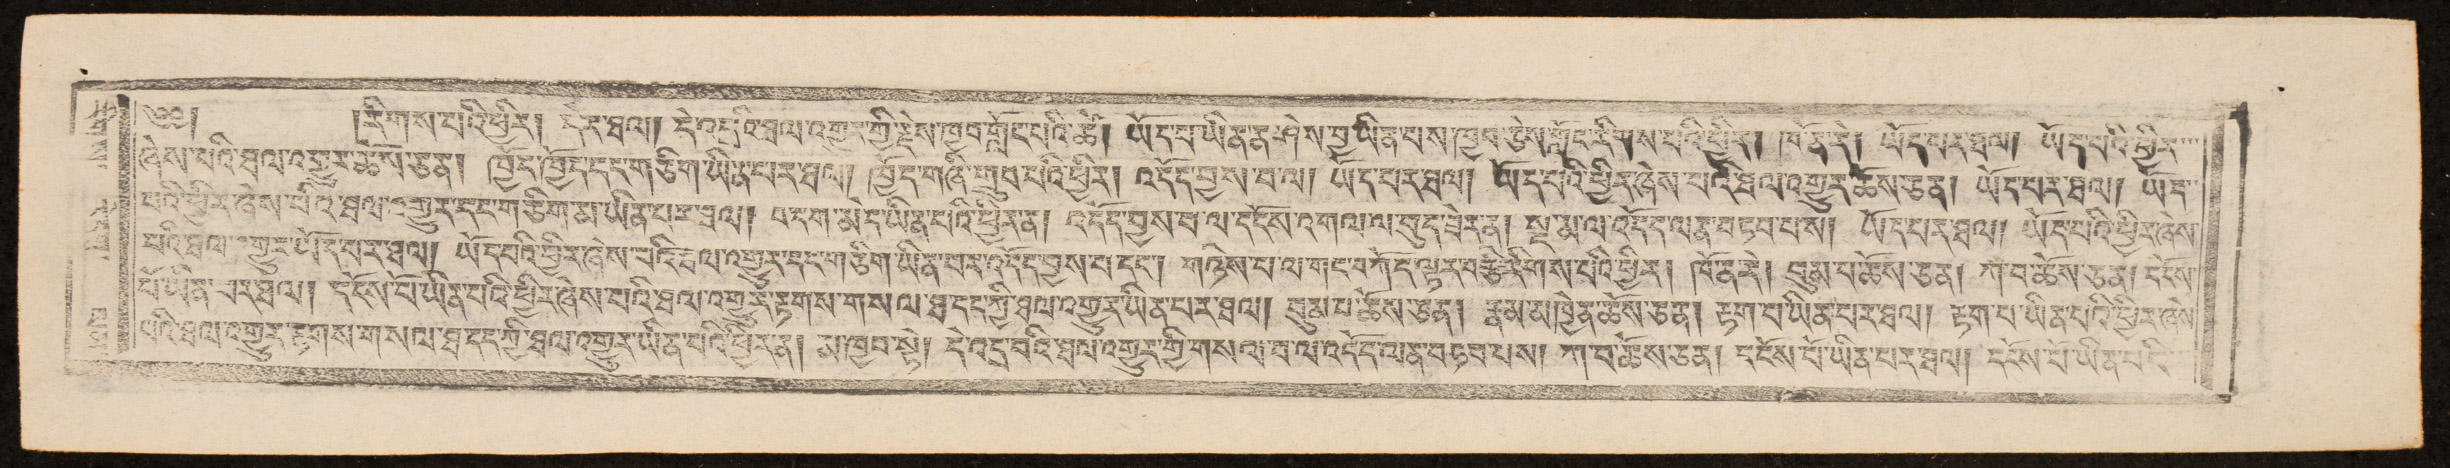༄༅། །རིགས་པའི་ཕྱིར། དེར་ཐལ། དེ་འདྲའི་ཐལ་འགྱུར་གྱི་རྗེས་ཁྱབ་གློང་བའི་ཚེ། ཡོད་པ་ཡིན་ན་ཤེས་བྱ་ཡིན་པས་ཁྱབ་ཅེས་གློང་རིགས་པའི་ཕྱིར། ཁོ་ན་རེ། ཡོད་པར་ཐལ། ཡོད་པའི་ཕྱིར་
ཞེས་པའི་ཐལ་འགྱུར་ཆོས་ཅན། ཁྱོད་ཁྱོད་དང་གཅིག་ཡིན་པར་ཐལ། ཁྱོད་གཞི་གྲུབ་པའི་ཕྱིར། འདོད་བྱས་པ་ལ། ཡོད་པར་ཐལ། ཡོད་པའི་ཕྱིར་ཞེས་པའི་ཐལ་འགྱུར་ཆོས་ཅན། ཡོད་པར་ཐལ། ཡོད་
པའི་ཕྱིར་ཞེས་པའི་ཐལ་འགྱུར་དང་གཅིག་མ་ཡིན་པར་ཐལ། བདག་མེད་ཡིན་པའི་ཕྱིར་ན། འདོད་བྱས་པ་ལ་དངོས་འགལ་ལ་བུད་ཟེར་ན། སྔ་མ་ལ་འདོད་ལན་བཏབ་པས། ཡོད་པར་ཐལ། ཡོད་པའི་ཕྱིར་ཞེས་
པའི་ཐལ་འགྱུར་ཡོད་པར་ཐལ། ཡོད་པའི་ཕྱིར་ཞེས་པའི་ཐལ་འགྱུར་དང་གཅིག་ཡིན་པར་འདོད་བྱས་པ་དང་། གཉིས་པ་ལ་གང་བཀོད་ལྟར་བརྩི་རིགས་པའི་ཕྱིར། ཁོ་ན་རེ། བུམ་པ་ཆོས་ཅན། ཀ་བ་ཆོས་ཅན། དངོས་
པོ་ཡིན་པར་ཐལ། དངོས་པོ་ཡིན་པའི་ཕྱིར་ཞེས་པའི་ཐལ་འགྱུར་རྟགས་གསལ་ཐ་དད་ཀྱི་ཐལ་འགྱུར་ཡིན་པར་ཐལ། བུམ་པ་ཆོས་ཅན། རྣམ་མཁྱེན་ཆོས་ཅན། རྟག་པ་ཡིན་པར་ཐལ། རྟག་པ་ཡིན་པའི་ཕྱིར་ཞེས་
པའི་ཐལ་འགྱུར་རྟགས་གསལ་ཐ་དད་ཀྱི་ཐལ་འགྱུར་ཡིན་པའི་ཕྱིར་ན། མ་ཁྱབ་སྟེ། དེ་འདྲ་བའི་ཐལ་འགྱུར་གྱི་གསལ་བ་ལ་འདོད་ལན་བཏབ་པས། ཀ་བ་ཆོས་ཅན། དངོས་པོ་ཡིན་པར་ཐལ། དངོས་པོ་ཡིན་པའི་